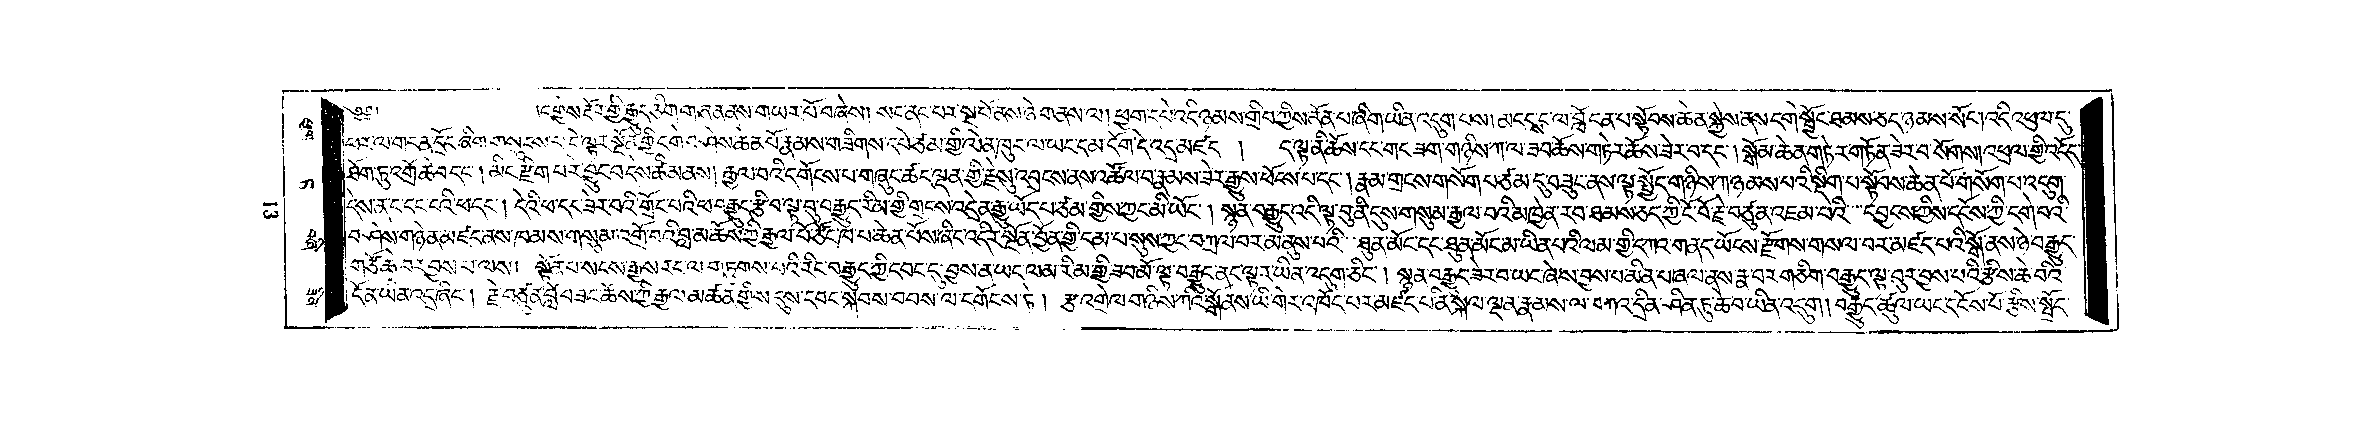༄༅། །དགྱེས་རྡོར་གྱི་རྒྱུད་ཅིག་གཞན་ནས་གཡར་པོ་བཞེས། སང་ནང་པར་སྔ་པོ་ནས་ཉེ་གནས་ལ། ཕྱག་དཔེ་འདི་ཉམས་གྲིབ་ཀྱིས་ནོན་པ་ཞིག་ཡིན་འདུག་པས། མདངས་ང་ལ་བློ་ངན་པ་སྟོབས་ཆེན་སྐྱེས་ནས་དགེ་སྦྱོང་ཐམས་ཅད་ཉམས་སོང་། འདི་འཕྲལ་དུ་
ཕར་ལ་གང་ན་དྲོང་ཞིག་གསུངས་པ་དེ་ལྟར་སྔོན་གྱི་དགེ་བཤེས་ཆེན་པོ་རྣམས་གཟིགས་དཔེ་ཙམ་གྱི་ལེན་ཁུང་ལ་ཡང་དམ་དོག་དེ་འདྲ་མཛད། ད་ལྟ་ནི་ཆོས་དང་གང་ཟག་གཉིས་ཀ་ལ་ཟབ་ཆོས་གཏེར་ཆོས་ཟེར་བ་དང་། སྒོམ་ཆེན་གཏེར་གཏོན་ཟེར་བ་སོགས། འཕྲལ་གྱི་འདོད་
ཐོག་ཏུ་འགྲོ་ཆེ་བ་དང་། མིང་རྫིག་པ་རེ་བྱུང་བ་དེས་ཚིམ་ནས། རྒྱལ་བའི་དགོངས་པ་གཞུང་ཚད་ལྡན་གྱི་རྗེས་སུ་འབྲངས་ནས་འཚོལ་བ་རྣམས་ཟེར་རྒྱུས་ཕོངས་པ་དང་། རྣམ་གྲངས་གསོག་པ་ཙམ་དུ་བཟུང་ནས་ལྟ་སྤྱོད་གཉིས་ཀ་ཉམས་པའི་སྡིག་པ་སྟོབས་ཆེན་པོ་གསོག་པ་འདུག་
དེས་ན་ང་དང་ངའི་ཕ་དང་། དེའི་ཕ་དང་ཟེར་བའི་གྲོང་པའི་ཕ་བརྒྱུད་རྩི་བ་ལྟ་བུ་བརྒྱུད་རིམ་གྱི་གྲངས་འདྲེན་རྒྱུ་ཡོད་པ་ཙམ་གྱིས་ཀྱང་མི་ཡོང་། སྙན་བརྒྱུད་འདི་ལྟ་བུ་ནི་དུས་གསུམ་རྒྱལ་བའི་མཁྱེན་རབ་ཐམས་ཅད་ཀྱི་ངོ་བོ་རྗེ་བཙུན་འཇམ་པའི་དབྱངས་ཀྱིས་དངོས་ཀྱི་དགེ་བའི་
བཤེས་གཉེན་མཛད་ནས་ཁམས་གསུམ་འགྲོ་བའི་བླ་མ་ཆོས་ཀྱི་རྒྱལ་པོ་ཙོང་ཁ་པ་ཆེན་པོས་ཞིང་འདིར་སྔོན་བྱོན་གྱི་དམ་པ་སུས་ཀྱང་བཀྲལ་བར་མ་ནུས་པའི་ཐུན་མོང་དང་ཐུན་མོང་མ་ཡིན་པའི་ལམ་གྱི་དཀའ་གནད་ཡོངས་རྫོགས་གསལ་བར་མཛད་པའི་སྒོ་ནས་ཉེ་བརྒྱུད་
གཙོ་ཆེ་བར་བྱས་པ་ལས། སྟོན་པ་སངས་རྒྱས་རང་ལ་གཏུགས་པའི་རིང་བརྒྱུད་ཀྱི་དབང་དུ་བྱས་ན་ཡང་ལམ་རིམ་གྱི་ཟབ་མོ་ལྟ་བརྒྱུད་ནང་ལྟར་ཡིན་འདུག་ཅིང་། སྙན་བརྒྱུད་ཟེར་བ་ཡང་ཞེས་བྱས་པ་མིན་པ་ཞལ་ནས་རྣ་བར་གཅིག་བརྒྱུད་ལྟ་བུར་བྱས་པའི་རྩིས་ཆེ་བའི་
དོན་ཡིན་འདྲ་ཞིང་། རྗེ་བཙུན་བློ་བཟང་ཆོས་ཀྱི་རྒྱལ་མཚན་གྱིས་དུས་དབང་སྐབས་བབས་ལ་སྒོངས་ཏེ། རྩ་འགྲེལ་གཉིས་ཀའི་སྒོ་ནས་ཡི་གེར་འཁོད་པར་མཛད་པ་ནི་སྐལ་ལྡན་རྣམས་ལ་བཀའ་དྲིན་ཤིན་ཏུ་ཆེ་བ་ཡིན་འདུག །བརྒྱུད་ཚུལ་ཡང་དངོས་པོ་རྩིས་སྤྲོད་